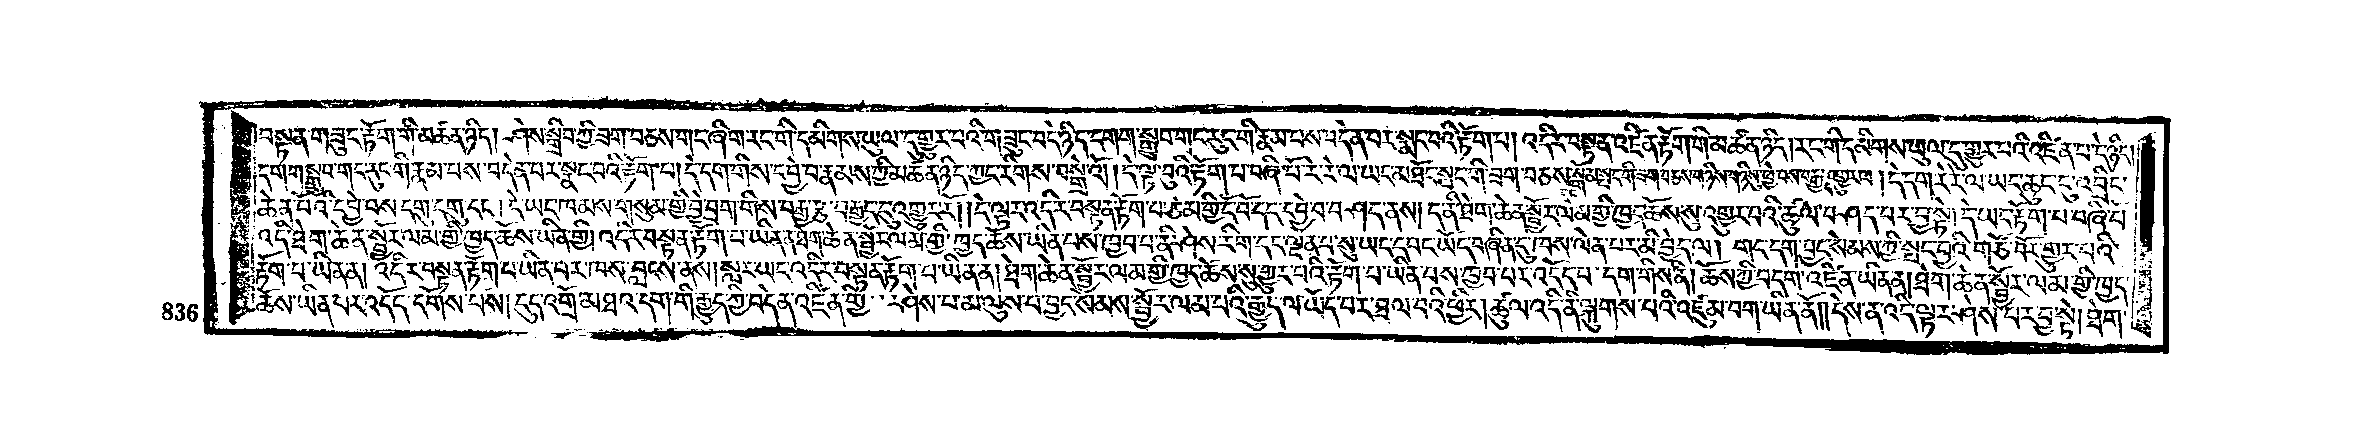བསྟན་གཟུང་རྟོག་གི་མཚན་ཉིད། ཤེས་སྒྲིབ་ཀྱི་ཟག་བཅས་གང་ཞིག་རང་གི་དམིགས་ཡུལ་དུ་གྱུར་བའི་གཟུང་བ་དེ་ཉིད་དགག་སྒྲུབ་གང་རུང་གི་རྣམ་པས་བདེན་པར་སྨད་བའི་རྟོག་པ། འདིར་བསྟན་འཛིན་རྟོག་གི་མཚན་ཉིད། རང་གི་དམིགས་ཡུལ་དུ་གྱུར་བའི་འཛིན་པ་དེ་ཉིད།
དགག་སྒྲུབ་གང་རུང་གི་རྣམ་པས་བདེན་པར་སྣང་བའི་རྟོག་པ། དེ་དག་གིས་དབྱེ་བ་རྣམས་ཀྱི་མཚན་ཉིད་ཀྱང་རིགས་བསྒྲེའོ། །དེ་ལྟ་བུའི་རྟོག་པ་བཞི་པོ་རེ་རེ་ལ་ཡང་མཐོང་སྤང་གི་ཟག་བཅས་སྒོམ་སྤང་གི་ཟག་བཅས་གཉིས་གཉིས་སུ་ཕྱེ་བས་བརྒྱད་འགྱུར་ལ། དེ་དག་རེ་རེ་ལ་ཡང་ཆུང་ངུ་འབྲིང་
ཆེན་པོའི་དབྱེ་བས་དགུ་དགུ་དང་། དེ་ཡང་ཁམས་གསུམ་གྱི་བྱེ་བྲག་གིས་བརྒྱ་རྩ་བརྒྱད་དུ་འགྱུར་རོ། །དེ་ལྟར་འདིར་བསྟན་རྟོག་པ་ཙམ་གྱི་ངོ་བོ་དང་དབྱེ་བ་བཤད་ནས། དེ་ནི་ཐེག་ཆེན་སྦྱོར་ལམ་གྱི་ཁྱད་ཆོས་སུ་འགྱུར་བའི་ཚུལ་བཤད་པར་བྱ་སྟེ། དེ་ཡང་རྟོག་པ་བཞི་པོ་
འདི་ཐེག་ཆེན་སྦྱོར་ལམ་གྱི་ཁྱད་ཆོས་ཡིན་གྱི། འདིར་བསྟན་རྟོག་པ་ཡིན་ན་ཐེག་ཆེན་སྦྱོར་ལམ་གྱི་ཁྱད་ཆོས་ཡིན་པས་ཁྱབ་པ་ནི་ཤེས་རིག་དང་ལྡན་པ་སུ་ཡང་དབང་ཡོད་བཞིན་དུ་ཁས་ལེན་པར་མི་བྱེད་ལ། གང་དག་བྱང་སེམས་ཀྱི་སྤང་བྱའི་གཙོ་བོར་གྱུར་པའི་
རྟོག་པ་ཡིན་ན། འདིར་བསྟན་རྟོག་པ་ཡིན་པར་ཁས་བླངས་ནས། སླར་ཡང་འདིར་བསྟན་རྟོག་པ་ཡིན་ན། ཐེག་ཆེན་སྦྱོར་ལམ་གྱི་ཁྱད་ཆོས་སུ་གྱུར་པའི་རྟོག་པ་ཡིན་པས་ཁྱབ་པར་འདོད་པ་དག་གིས་ནི། ཆོས་ཀྱི་བདག་འཛིན་ཡིན་ན། ཐེག་ཆེན་སྦྱོར་ལམ་གྱི་ཁྱད་
ཆོས་ཡིན་པར་འདོད་དགོས་པས། དུད་འགྲོ་མཐའ་དག་གི་རྒྱུད་ཀྱི་བདེན་འཛིན་གྱི་ཤེས་པ་མ་ལུས་པ་བྱང་སེམས་སྦྱོར་ལམ་པའི་རྒྱུད་ལ་ཡོད་པར་ཐལ་བའི་ཕྱིར། ཚུལ་འདི་ནི་ལྐུགས་པའི་འཛུམ་བག་ཡིན་ནོ། །དེས་ན་འདི་ལྟར་ཤེས་པར་བྱ་སྟེ། ཐེག་